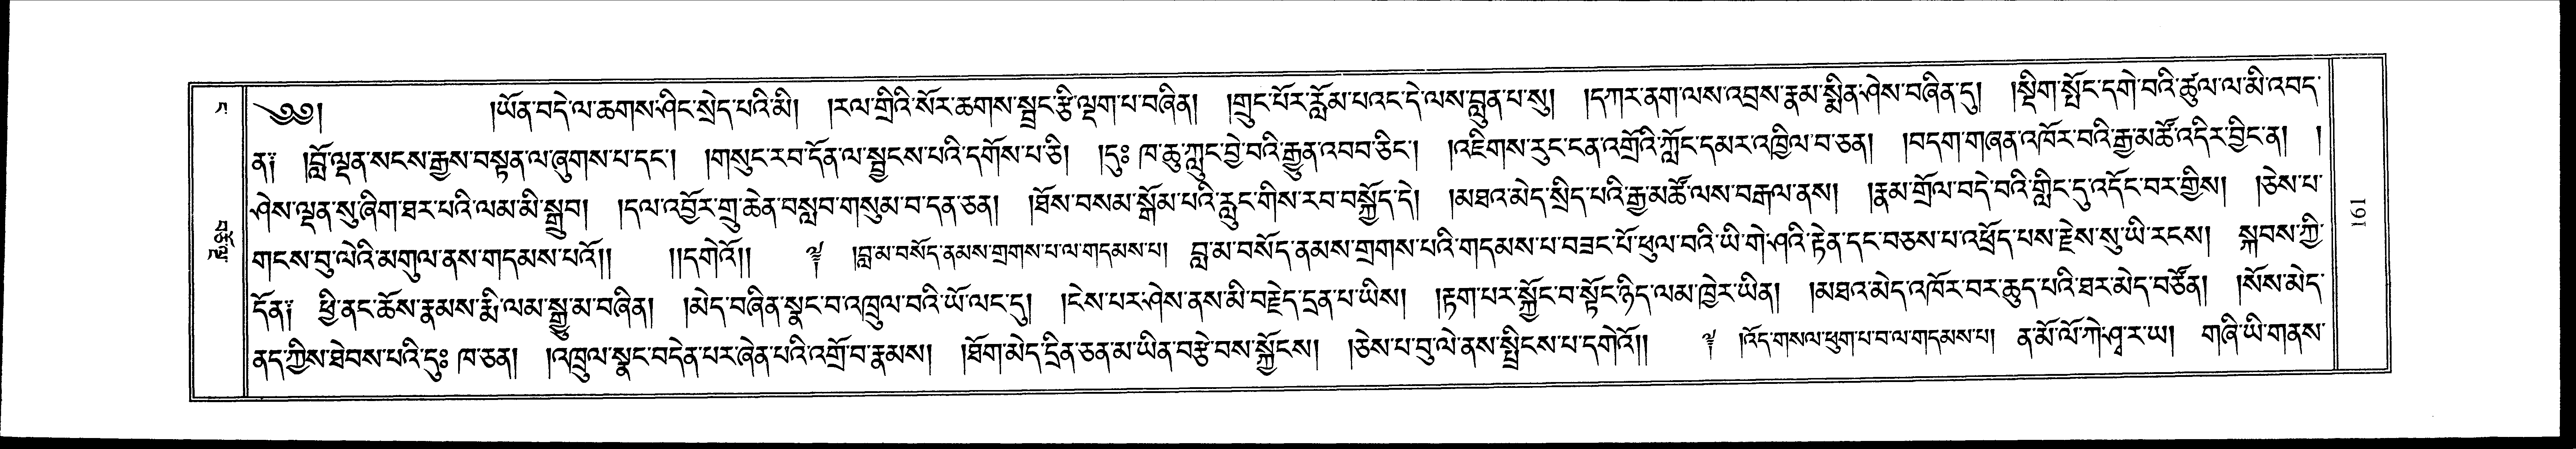༄༅། །ཡོན་བདེ་ལ་ཆགས་ཤིང་སྲེད་པའི་མི། །རལ་གྲིའི་སོར་ཆགས་སྦྲང་རྩི་ལྡག་པ་བཞིན། །གྲུང་པོར་རློམ་པའང་དེ་ལས་བླུན་པ་སུ། །དཀར་ནག་ལས་འབྲས་རྣམ་སྨིན་ཤེས་བཞིན་དུ། །སྡིག་སྤོང་དགེ་བའི་ཚུལ་ལ་མི་འབད་
ན། །བློ་ལྡན་སངས་རྒྱས་བསྟན་ལ་ཞུགས་པ་དང་། །གསུང་རབ་དོན་ལ་སྦྱངས་པའི་དགོས་པ་ཅི། །དུཿ ཁ་ཆུ་ཀླུང་བྱེ་བའི་རྒྱུན་འབབ་ཅིང་། །འཇིགས་རུང་ངན་འགྲོའི་ཀློང་དམར་འཁྱིལ་བ་ཅན། །བདག་གཞན་འཁོར་བའི་རྒྱ་མཚོ་འདིར་བྱིང་ན། །
ཤེས་ལྡན་སུ་ཞིག་ཐར་པའི་ལམ་མི་སྒྲུབ། །དལ་འབྱོར་གྲུ་ཆེན་བསླབ་གསུམ་བ་དན་ཅན། །ཐོས་བསམ་སྒོམ་པའི་རླུང་གིས་རབ་བསྐྱོད་དེ། །མཐའ་མེད་སྲིད་པའི་རྒྱ་མཚོ་ལས་བརྒལ་ནས། །རྣམ་གྲོལ་བདེ་བའི་གླིང་དུ་འདོང་བར་གྱིས། །ཅེས་པ་
གངས་བུ་ལེའི་མགུལ་ནས་གདམས་པའོ།། །།དགེའོ།། ༈ །བླ་མ་བསོད་ནམས་གྲགས་པ་ལ་གདམས་པ། བླ་མ་བསོད་ནམས་གྲགས་པའི་གདམས་པ་བཟང་པོ་ཕུལ་བའི་ཡི་གེ་ཤའི་རྟེན་དང་བཅས་པ་འཕྲོད་པས་རྗེས་སུ་ཡི་རངས། སྐབས་ཀྱི་
དོན། ཕྱི་ནང་ཆོས་རྣམས་རྨི་ལམ་སྒྱུ་མ་བཞིན། །མེད་བཞིན་སྣང་བ་འཁྲུལ་བའི་ཡོ་ལང་དུ། །ངེས་པར་ཤེས་ནས་མི་བརྗེད་དྲན་པ་ཡིས། །རྟག་པར་སྐྱོང་བ་སྟོང་ཉིད་ལམ་ཁྱེར་ཡིན། །མཐའ་མེད་འཁོར་བར་ཆུད་པའི་ཐར་མེད་བཙོན། །སོས་མེད་
ནད་ཀྱིས་ཐེབས་པའི་དུཿ ཁ་ཅན། །འཁྲུལ་སྣང་བདེན་པར་ཞེན་པའི་འགྲོ་བ་རྣམས། །ཐོག་མེད་དྲིན་ཅན་མ་ཡིན་བརྩེ་བས་སྐྱོངས། །ཅེས་པ་བུ་ལེ་ནས་སྤྲིངས་པ་དགེའོ།། ༈ །འོད་གསལ་ཕུག་པ་བ་ལ་གདམས་པ། ན་མོ་ལོ་ཀེ་ཤྭ་ར་ཡ། གཞི་ཡི་གནས་